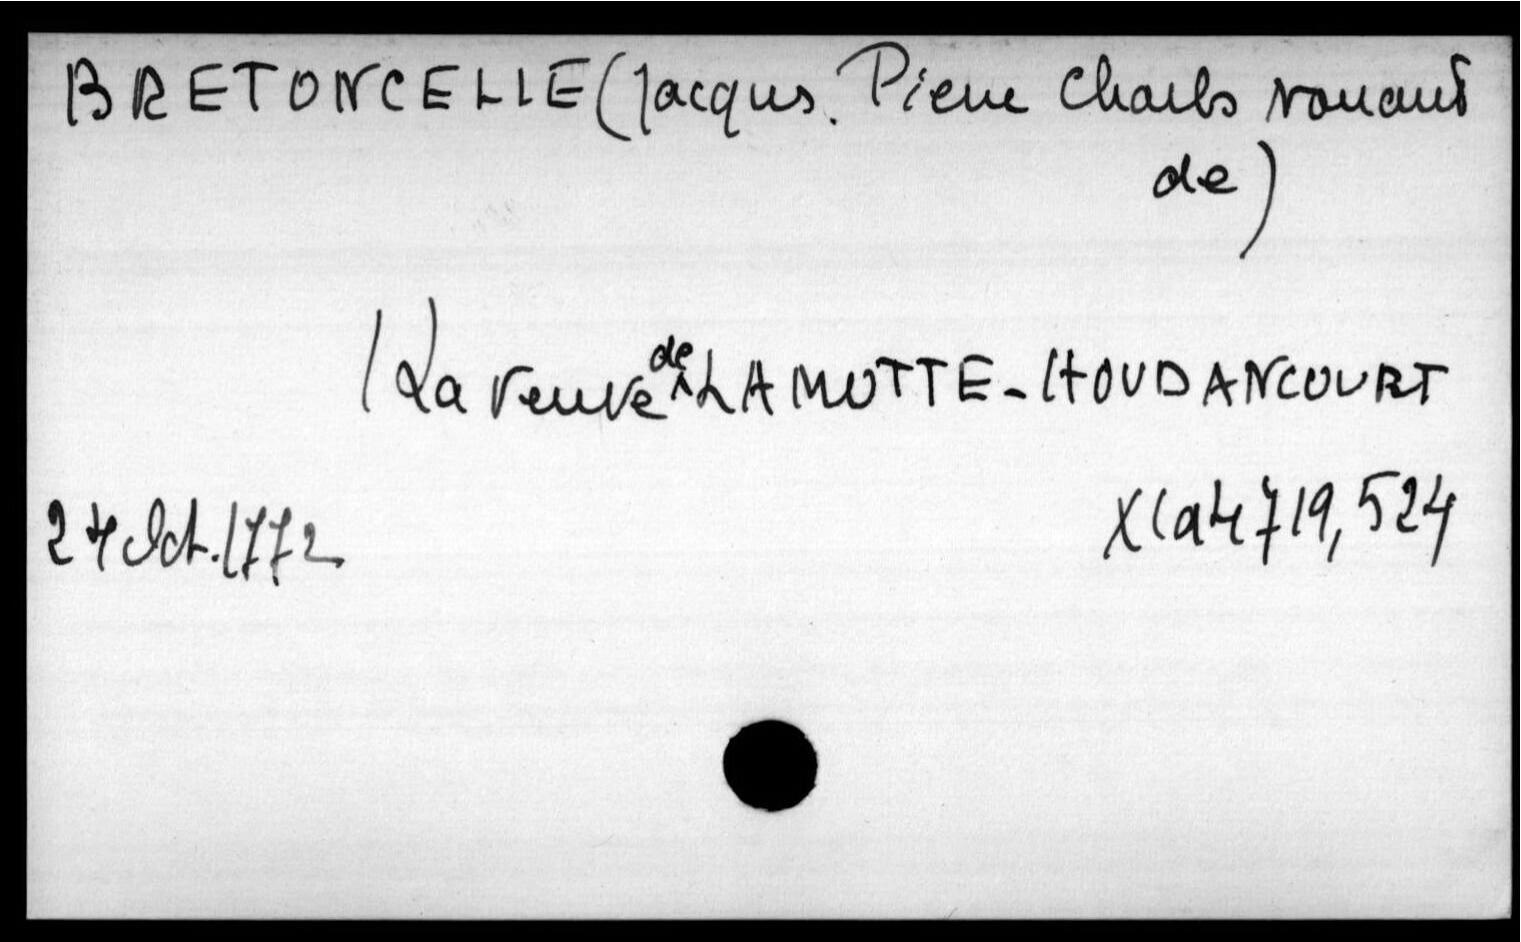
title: BRETONCELLE (Jacques Pierre Charles Nonand de)
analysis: Contre La Veuve de LAMUTTE-HOUDANCOURT
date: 24 octobre 1772
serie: X1a
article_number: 4719
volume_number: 524
